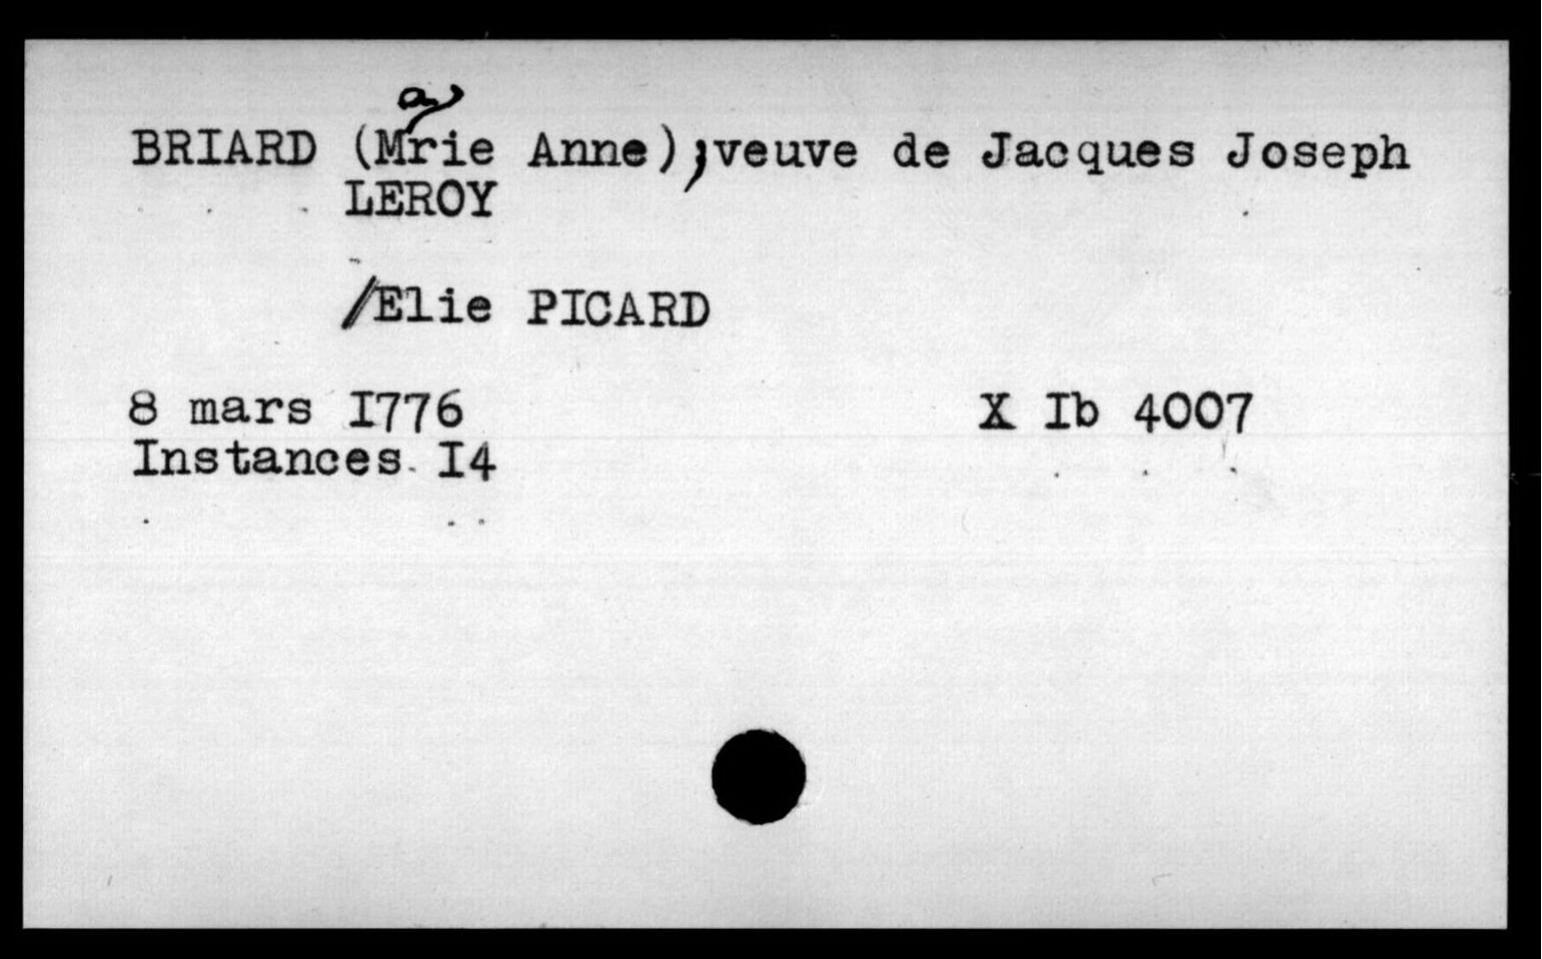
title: BRIARD (Marie Anne), Veuve de Jacques Joseph LEROY
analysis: Contre Elie PICARD
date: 8 mars 1776
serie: X1b
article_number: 4007
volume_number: Instances, 14
